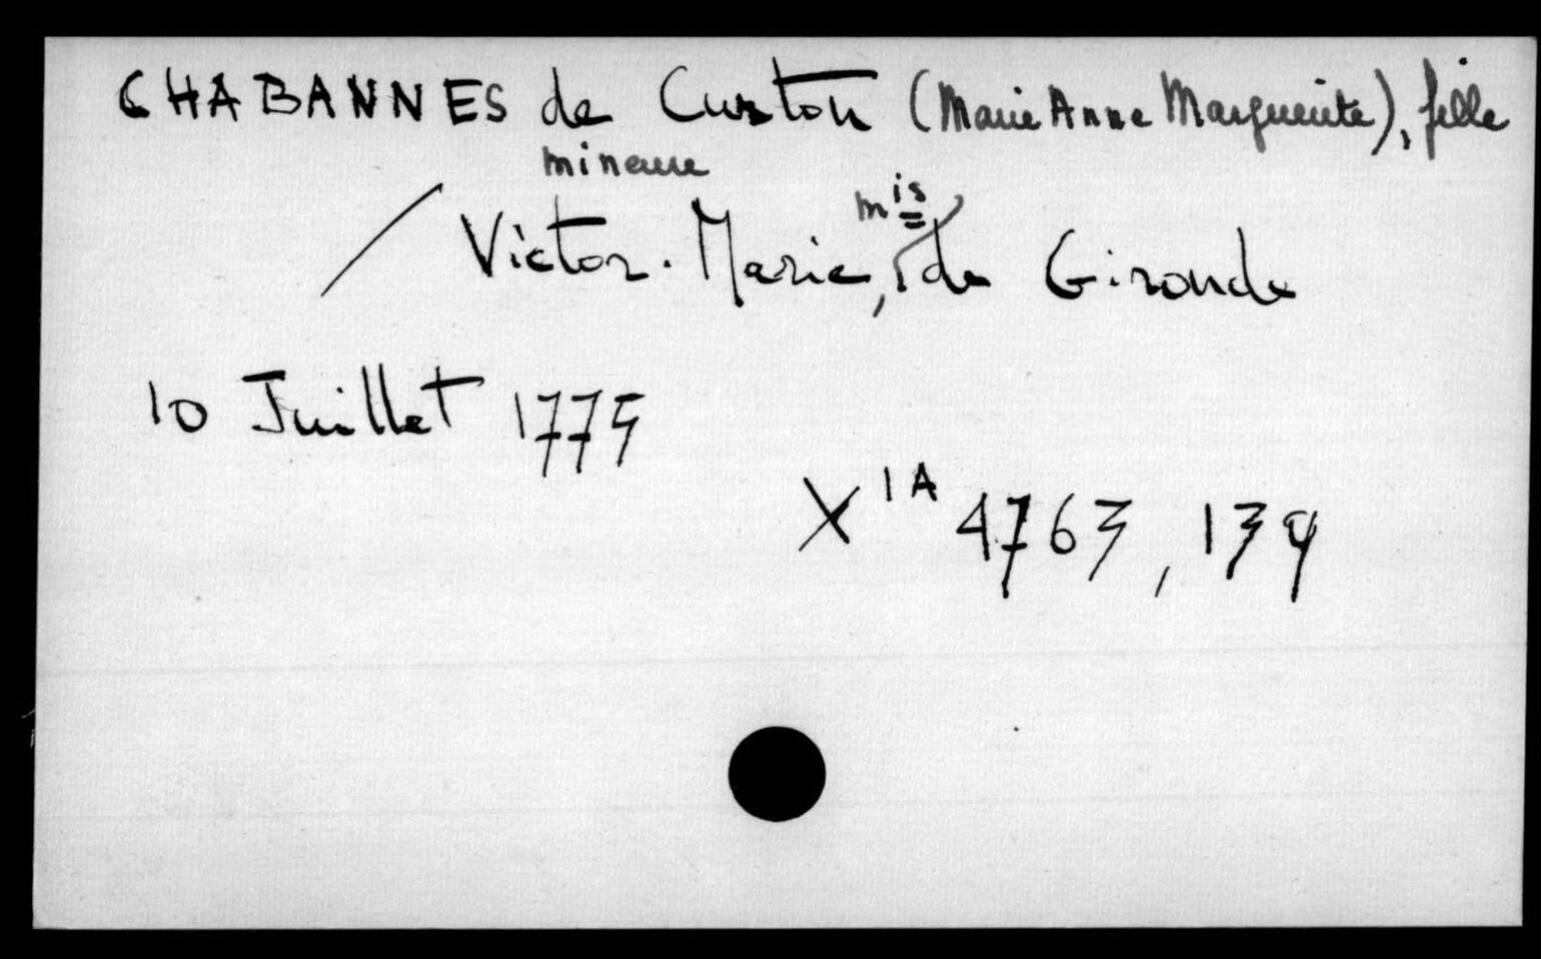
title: CHABANNES de Curton (Marie Anne Marguerite), fille mineure
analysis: Contre Victor-Marie, marquis de Gironde
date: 10 juillet 1775
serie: X1A
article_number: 4763
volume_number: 139
